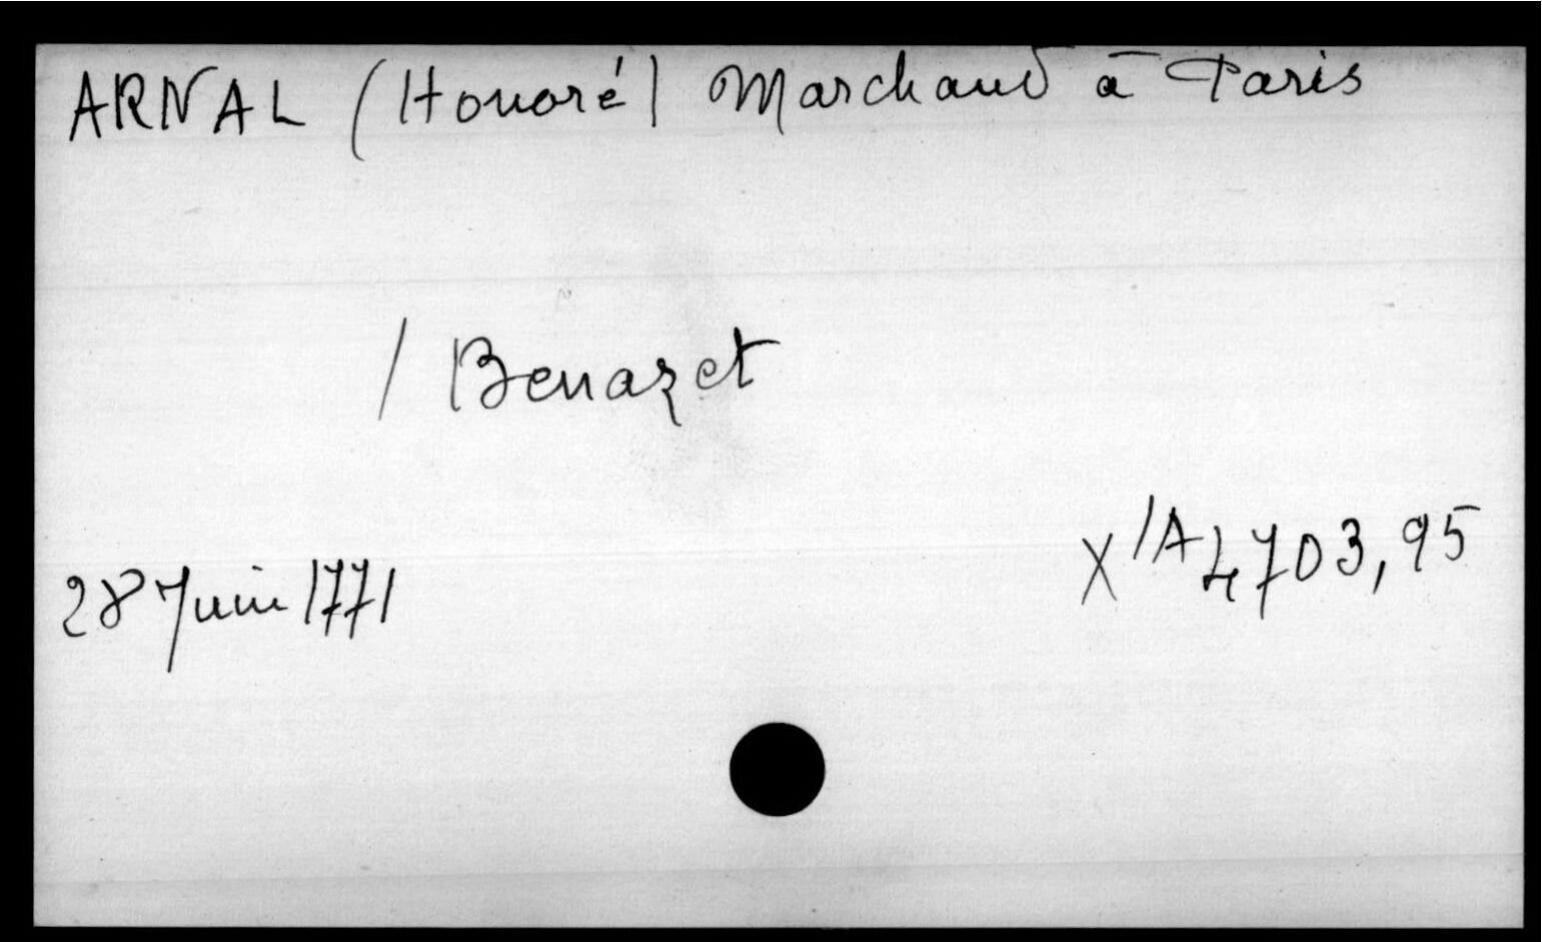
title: ARNAL (Honoré) Marchand à Paris
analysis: Contre Benaret
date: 28 juin 1771
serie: X1A
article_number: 4703
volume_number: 95
